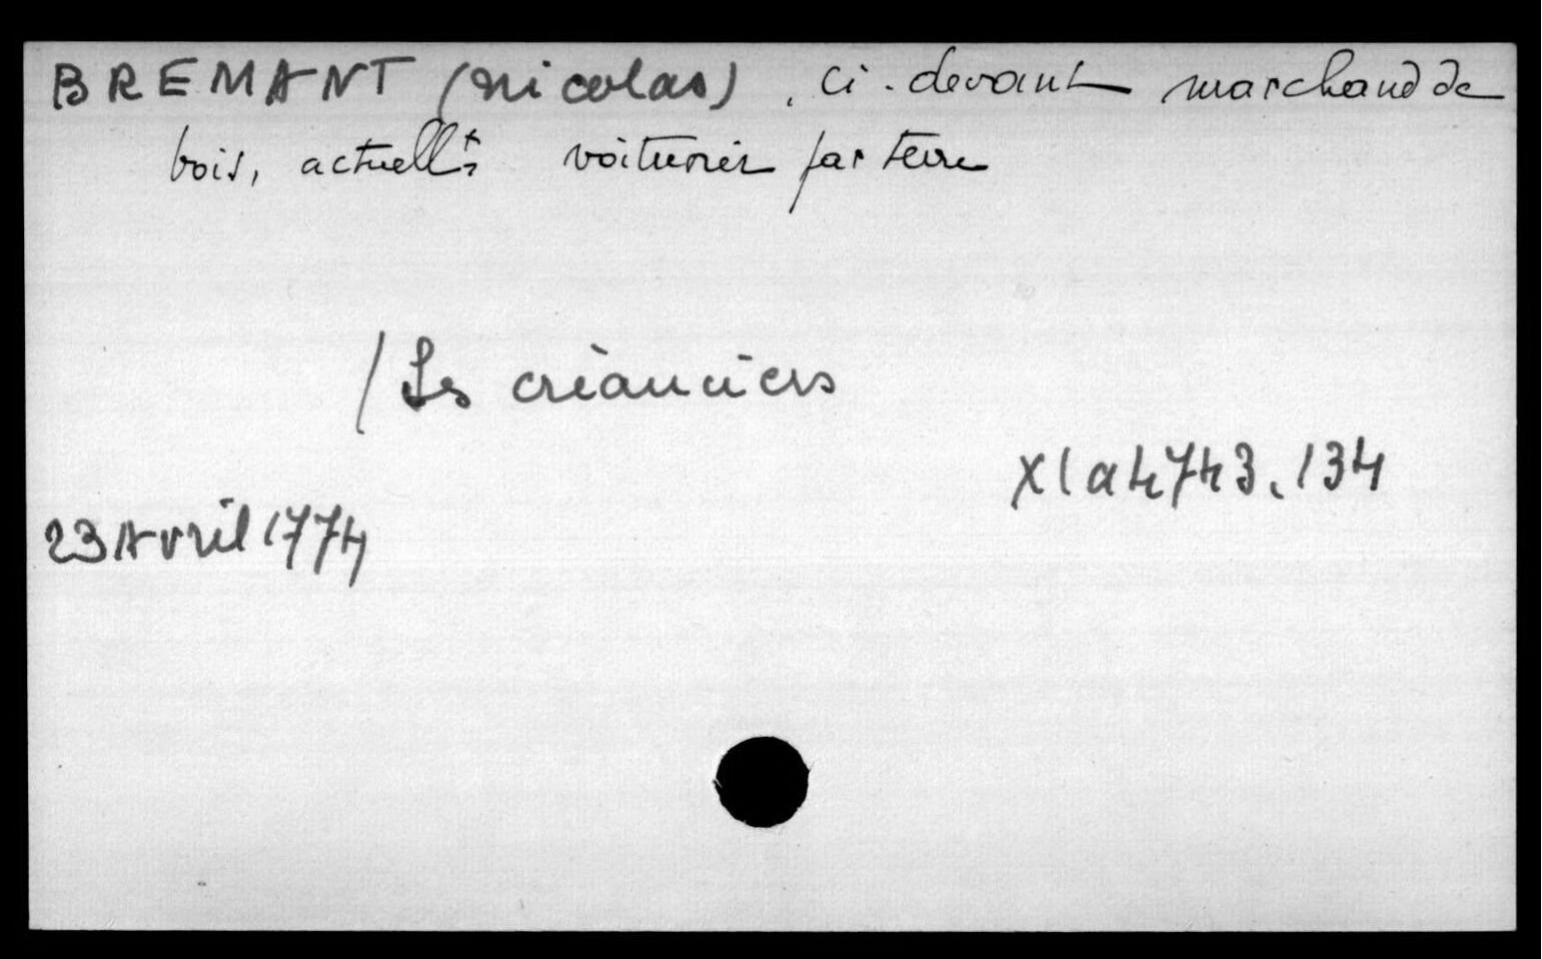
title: BREMANT (Nicolas), ci-devant marchand de bois, actuellement Voiturier par terre
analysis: Contre les créanciers
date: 23 avril 1774
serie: X1a
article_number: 4743
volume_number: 134
